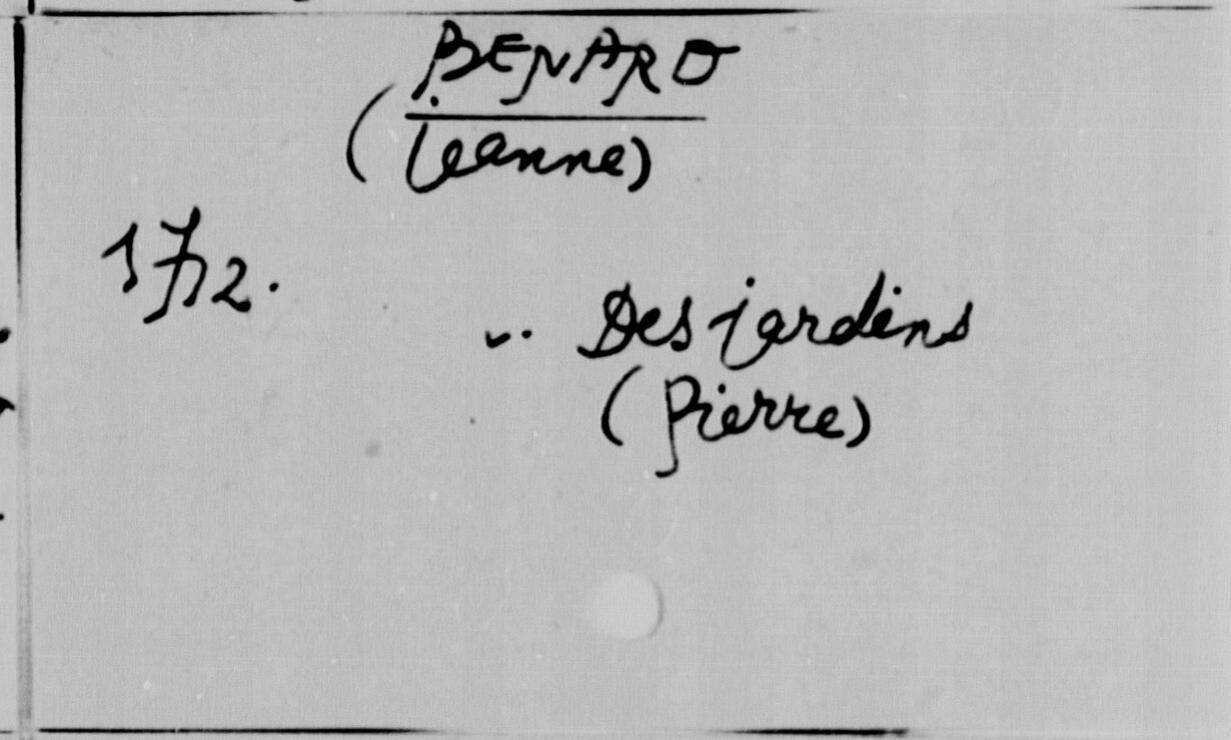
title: BENARD (Jeanne)
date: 1712
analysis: Voir Desjardins (Pierre)
